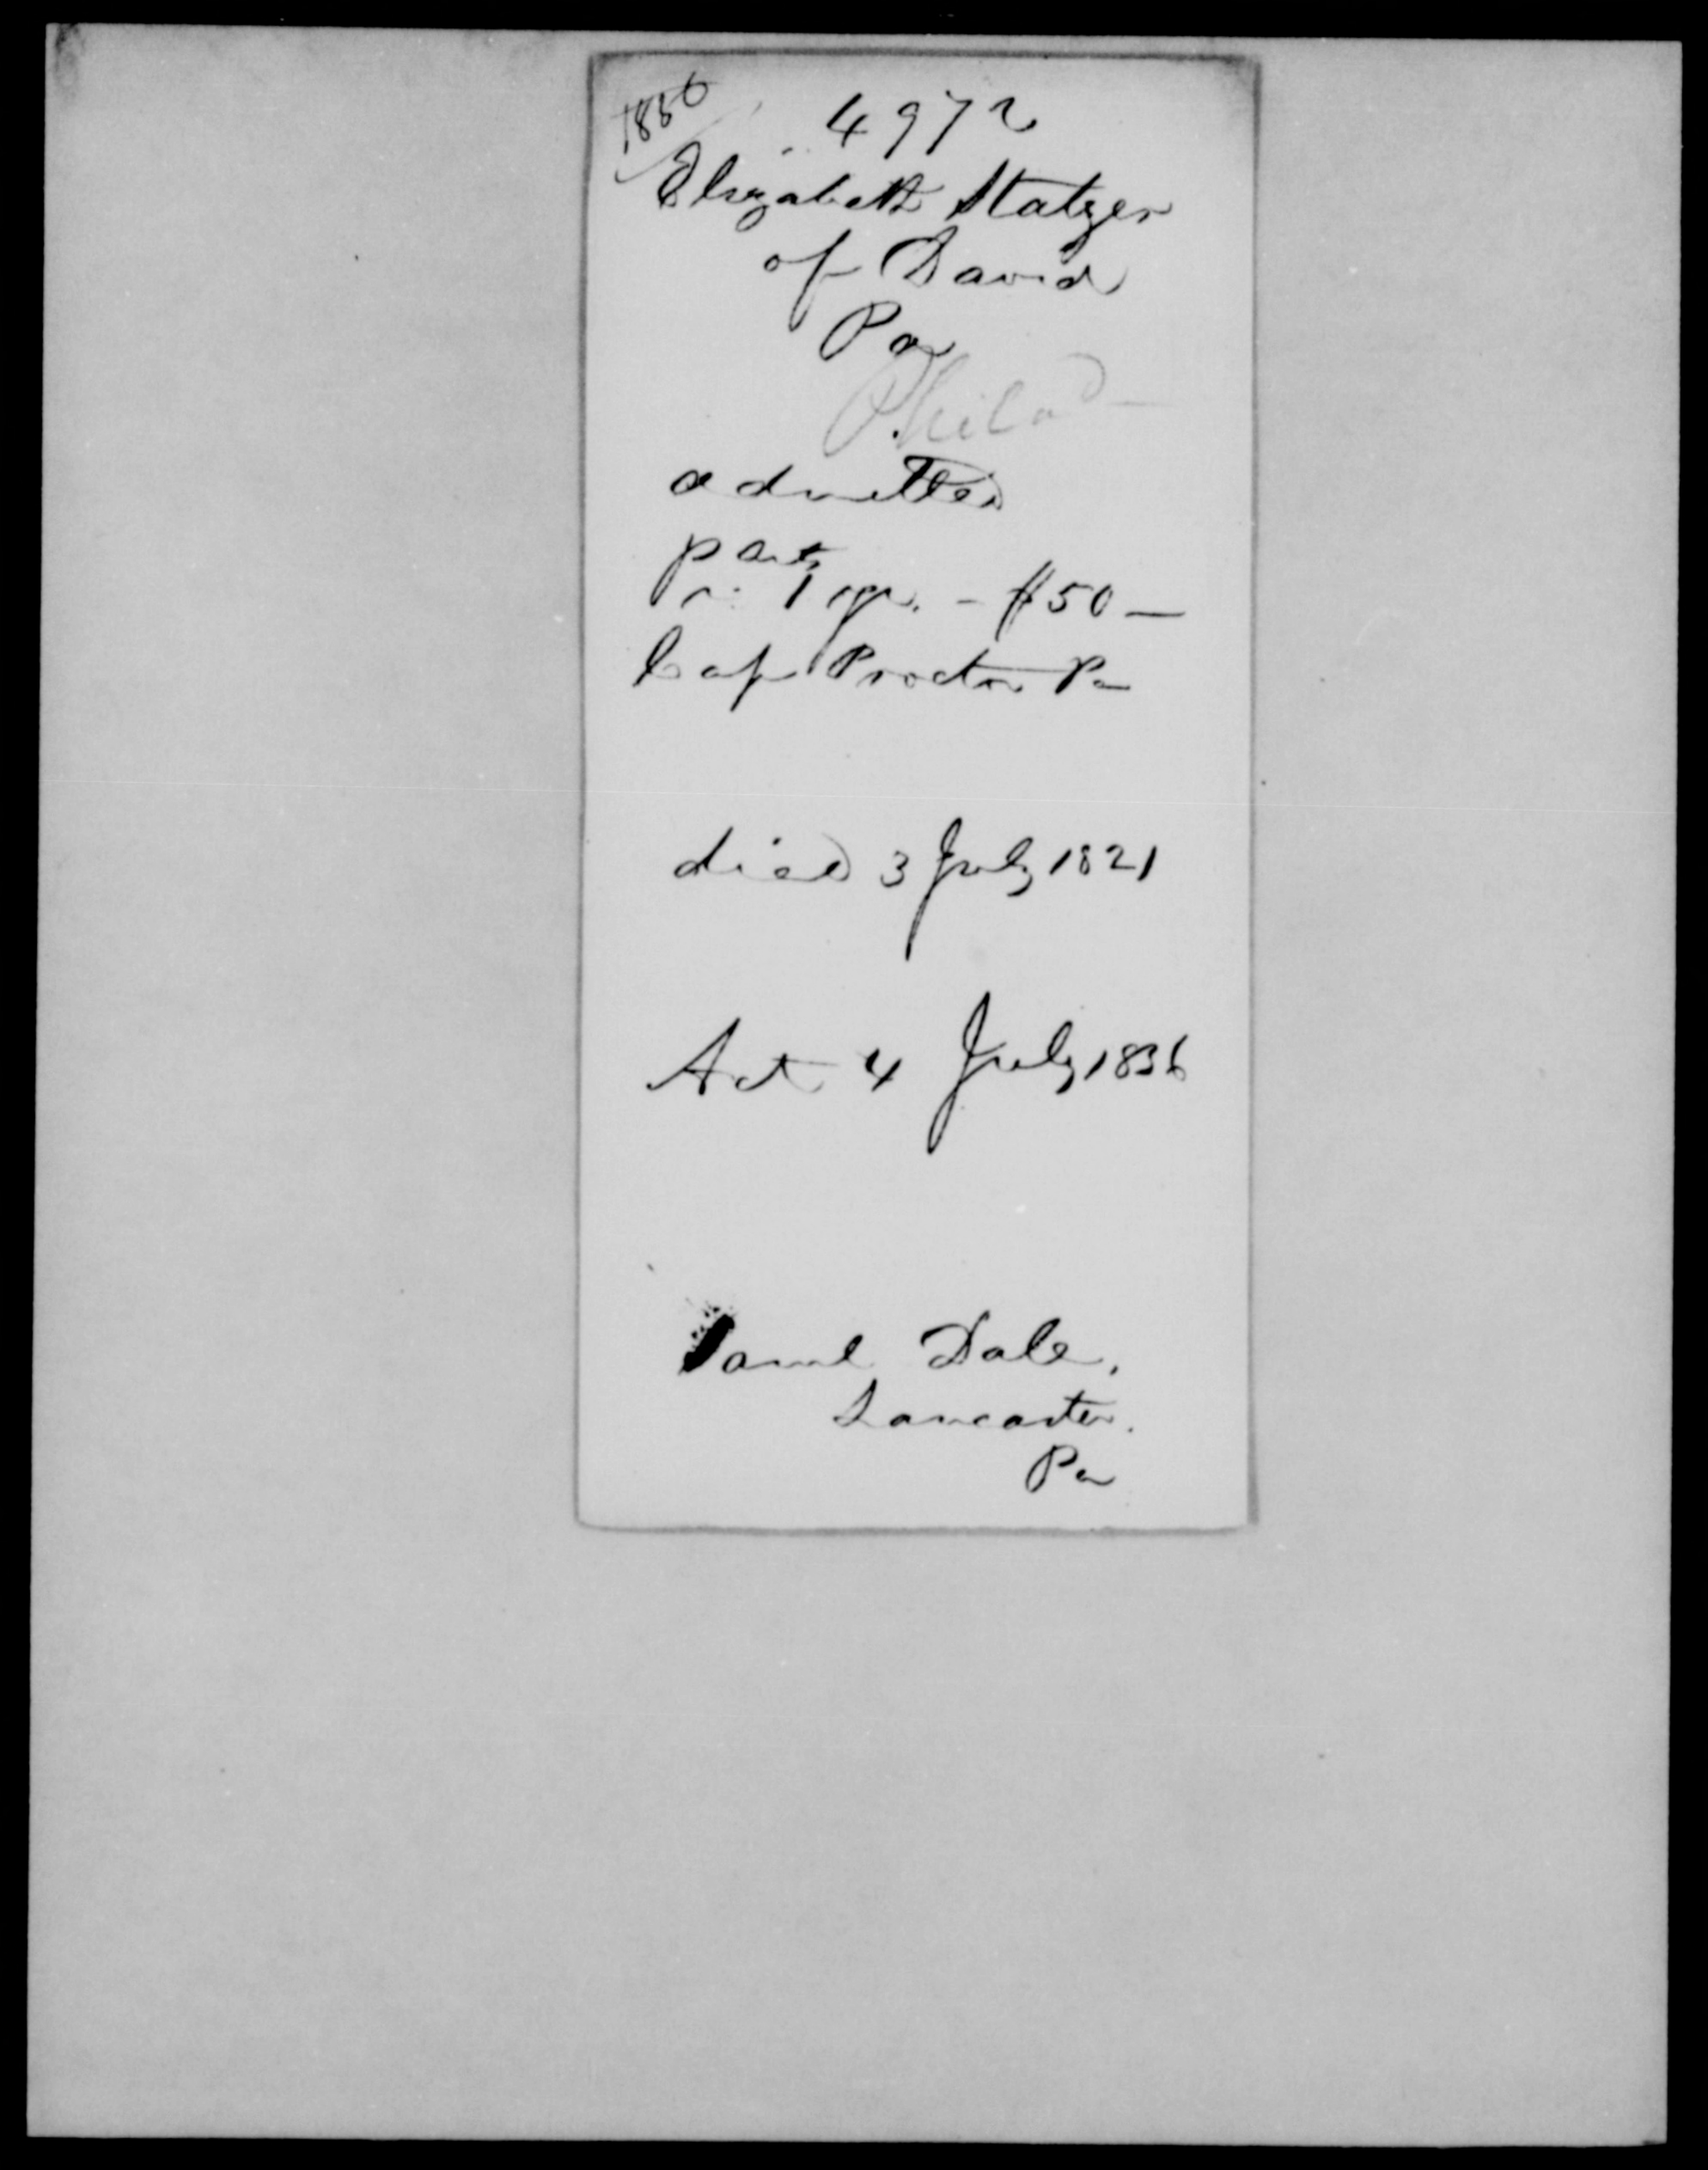1836
4972
Elizabeth Statzer
of David
Pa.
Philadelphia
Admitted
Private Artillery 1 year $50-
Capt. Proctor, Pa.
died 3 July 1821
Act 4 July 1836
Samuel Dale
Lancaster, Pa.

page: 24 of 28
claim: widow's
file: W. 3163, for David Statser, Pennsylvania